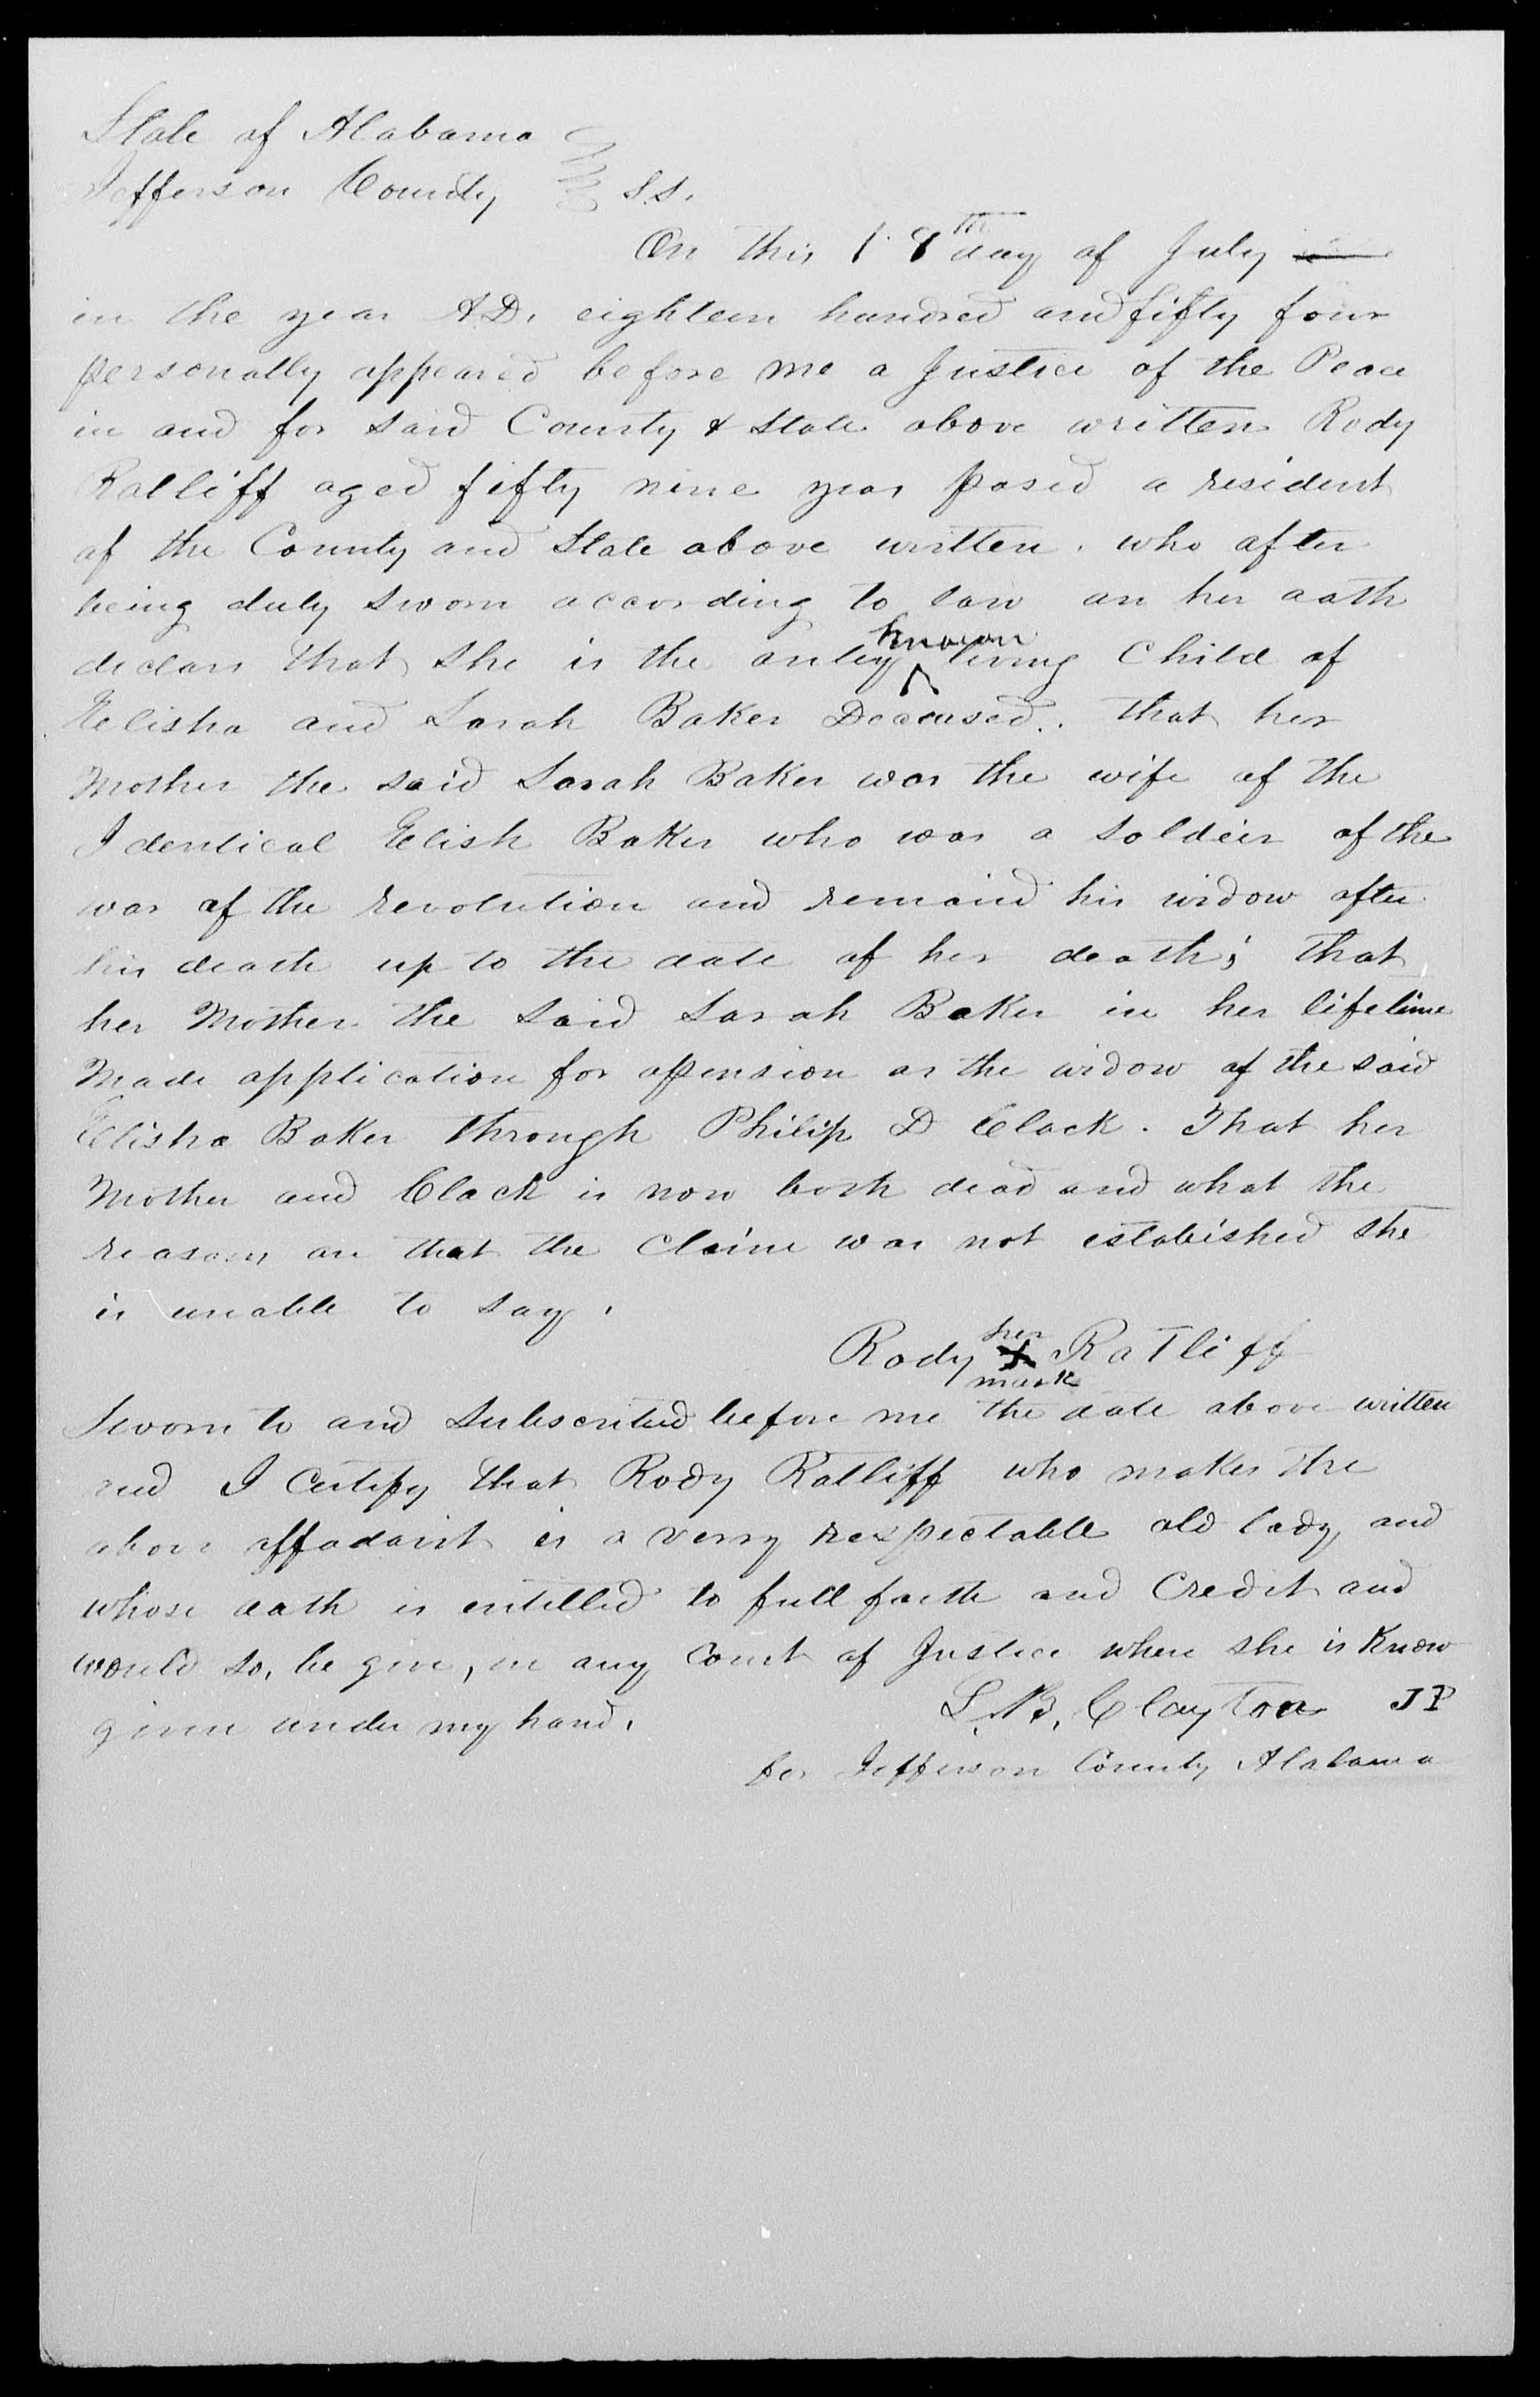State of Alabama
Jefferson County} S.S.
On this 18th of July in the year A.D. eighteen hundred and fifty four
personally appeared before me a Justice of the Peace in and for said County & State above written Rody
Ratliff aged fifty nine year pased a resident of the County and State above written, who after being duly Sworn according to law on her oath
declar[e]s that she is the only known living child of Elisha and Sarah Baker Deceased, that her mother the said Sarah Baker was the wife of the
Identical Elish[a] Baker who was a soldier of the war of the revolution and remain[e]d his widow after
his death up to the date of her death; that her mother the said Sarah Baker in her lifetime made application for a pension as the widow of the said
Elisha Baker through Philip D Clack. That her Mother and Clark is now both dead and what the reasons are that the claim was not established she 
is unable to say.
Rody Ratliff
her X mark
Sworn to and subscribed before me the date above written and I certify that Rody Ratliff who makes the
above affadavit is a very respectable old lady and whose oath is entitled to full faith and credit and would so be give[n], in any Court of Justice where she is know [sic] given under my hand.
L. B. Clayton  JP
for Jefferson County Alabama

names: L B Clayton, Elisha, Sarah Baker, Elisha Baker, Rody Ratliff, Rody Ratliff, Clack, Rody Ratliff, Sarah Baker, Sarah Baker, Elish Baker, Philip D Clack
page: 16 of 22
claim: rejected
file: R. 411, Elisha Baker, N.C.